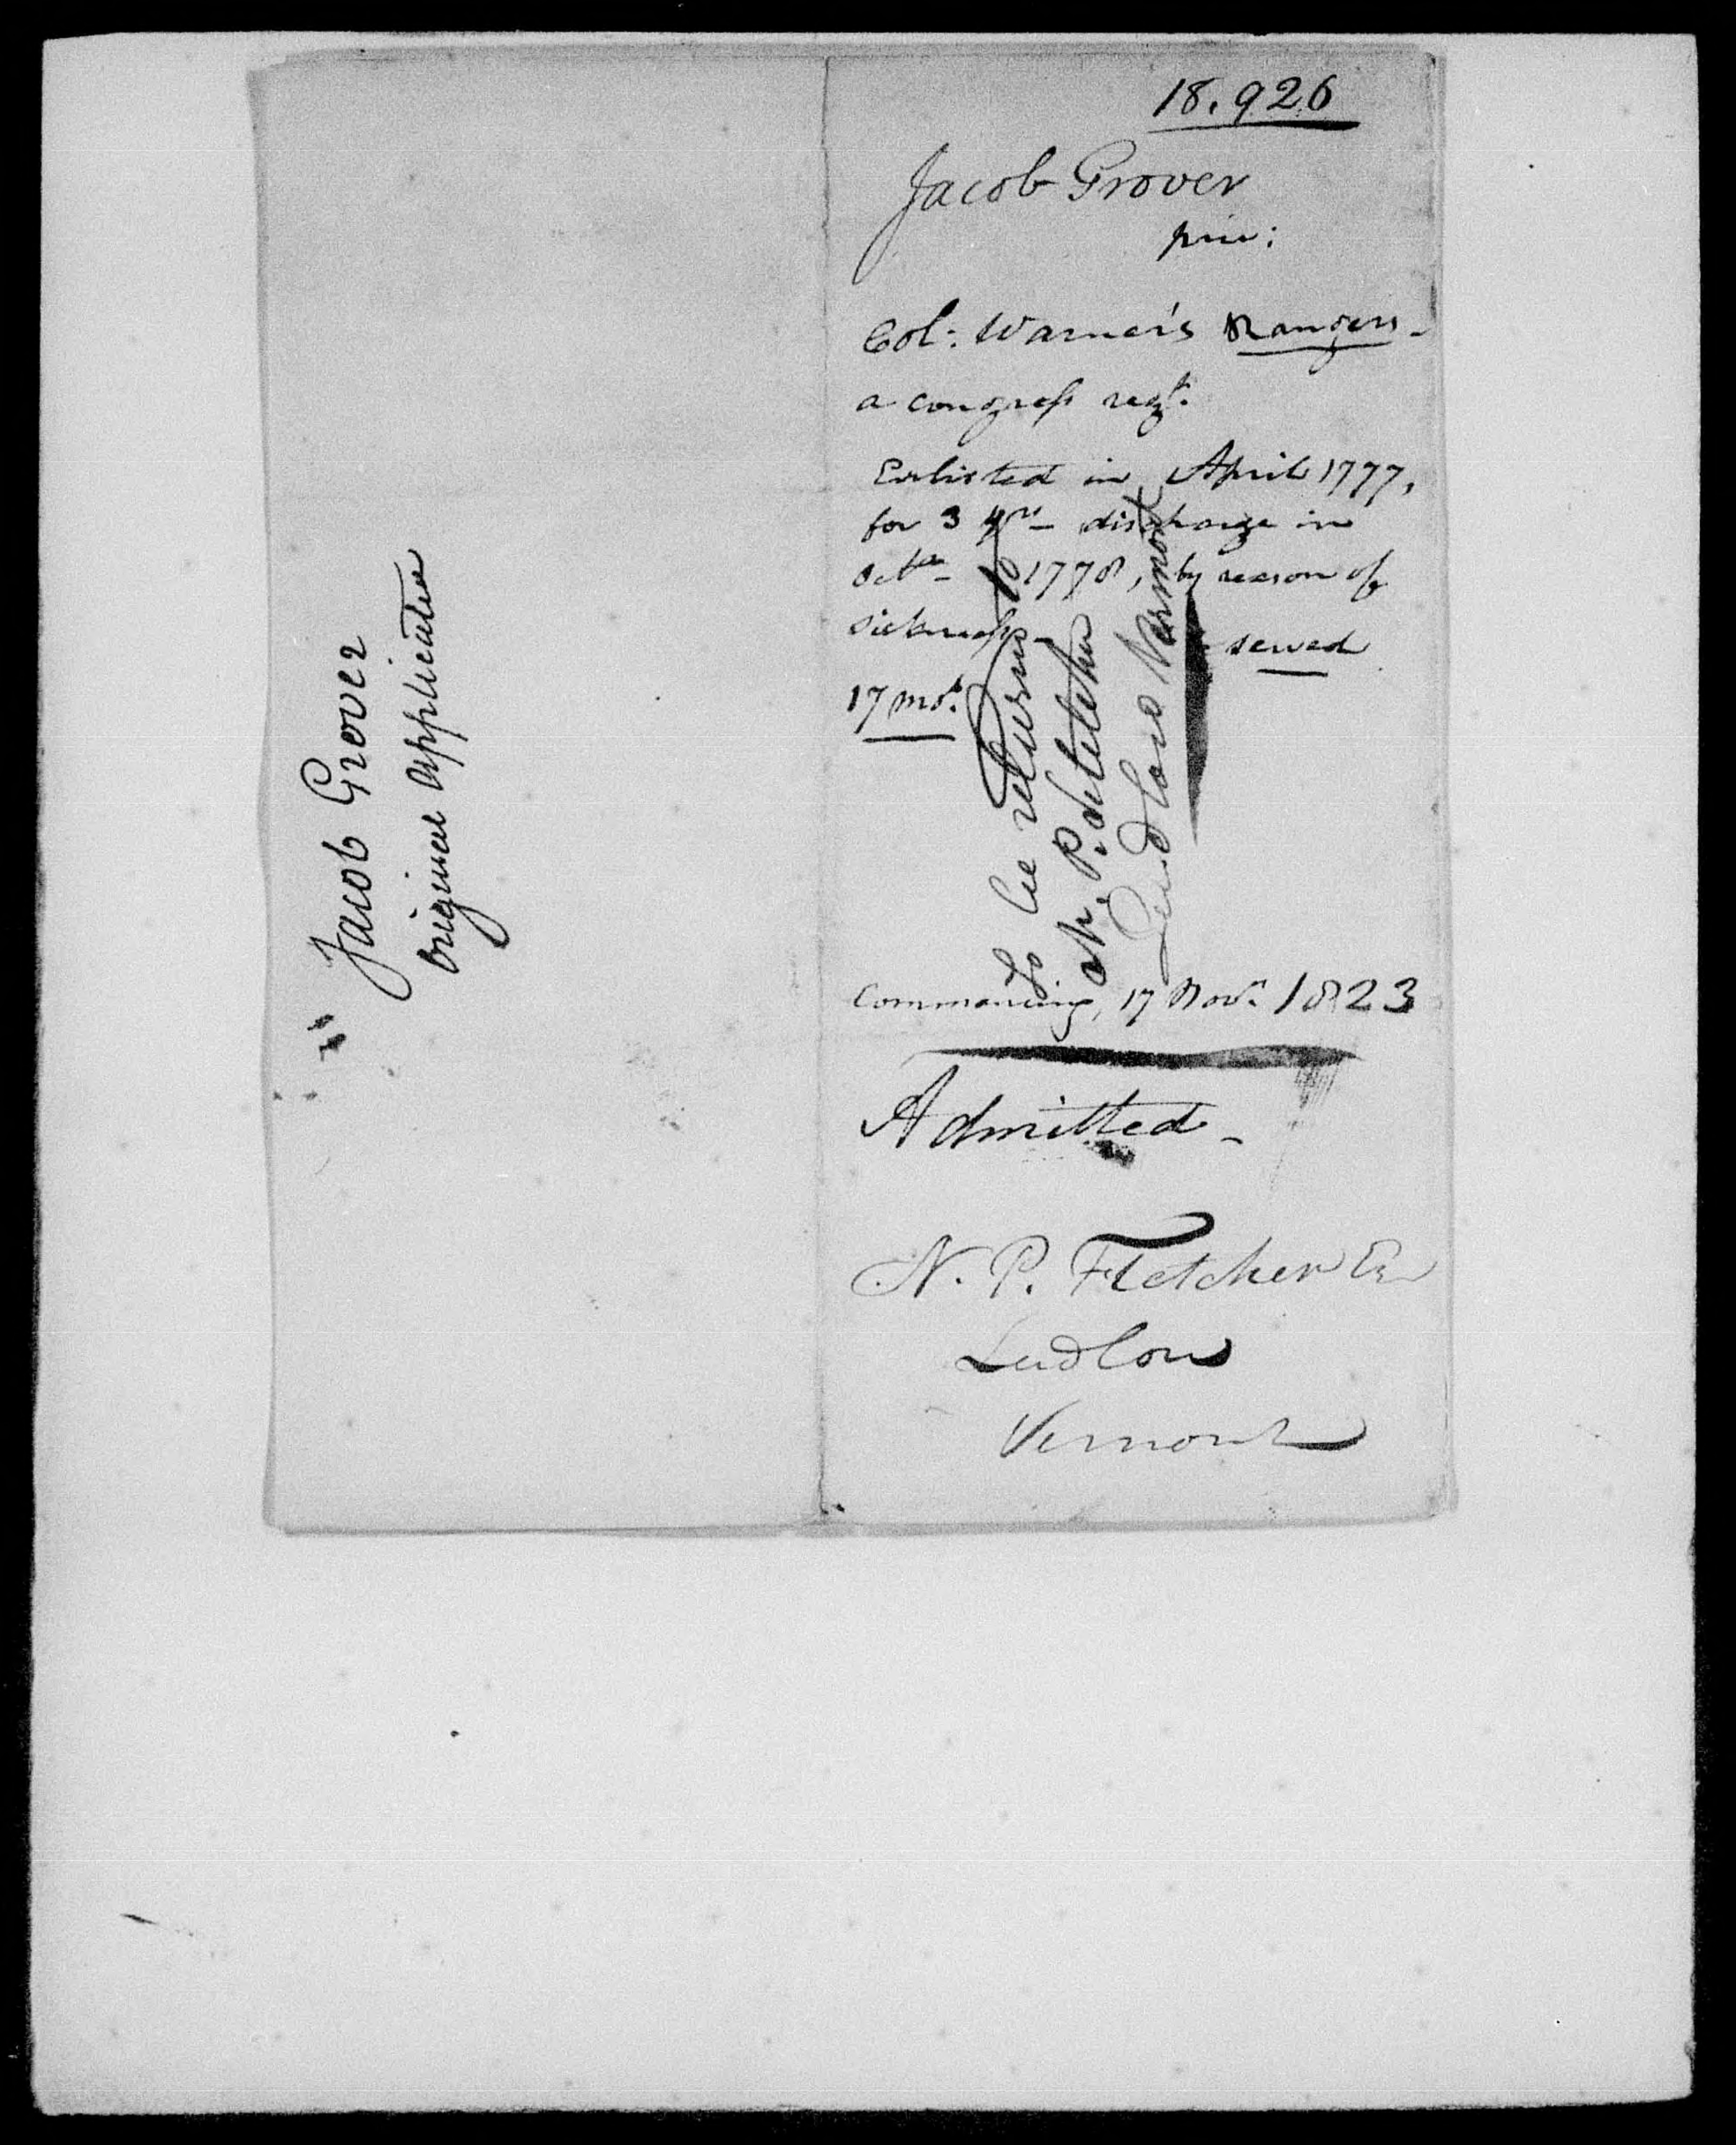Jacob Grover
Original Application
18,926
Jacob Grover
Pens:
Col Warner's Rangers 
a Congress regt.
Enlisted in April 1777
for 3 years - discharged in Oct. of 1779 by reason of sickness - Served 17 mos.

Commencing 17 Nov. 1823
Admitted
N.P. Fletcher Esq
Ludlow
Vermont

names: Jacob Grover, Jacob Grover, N P Fletcher, N P Fletcher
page: 3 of 22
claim: survivor's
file: S. 38777, Jacob Grover, Continental (Vt.)